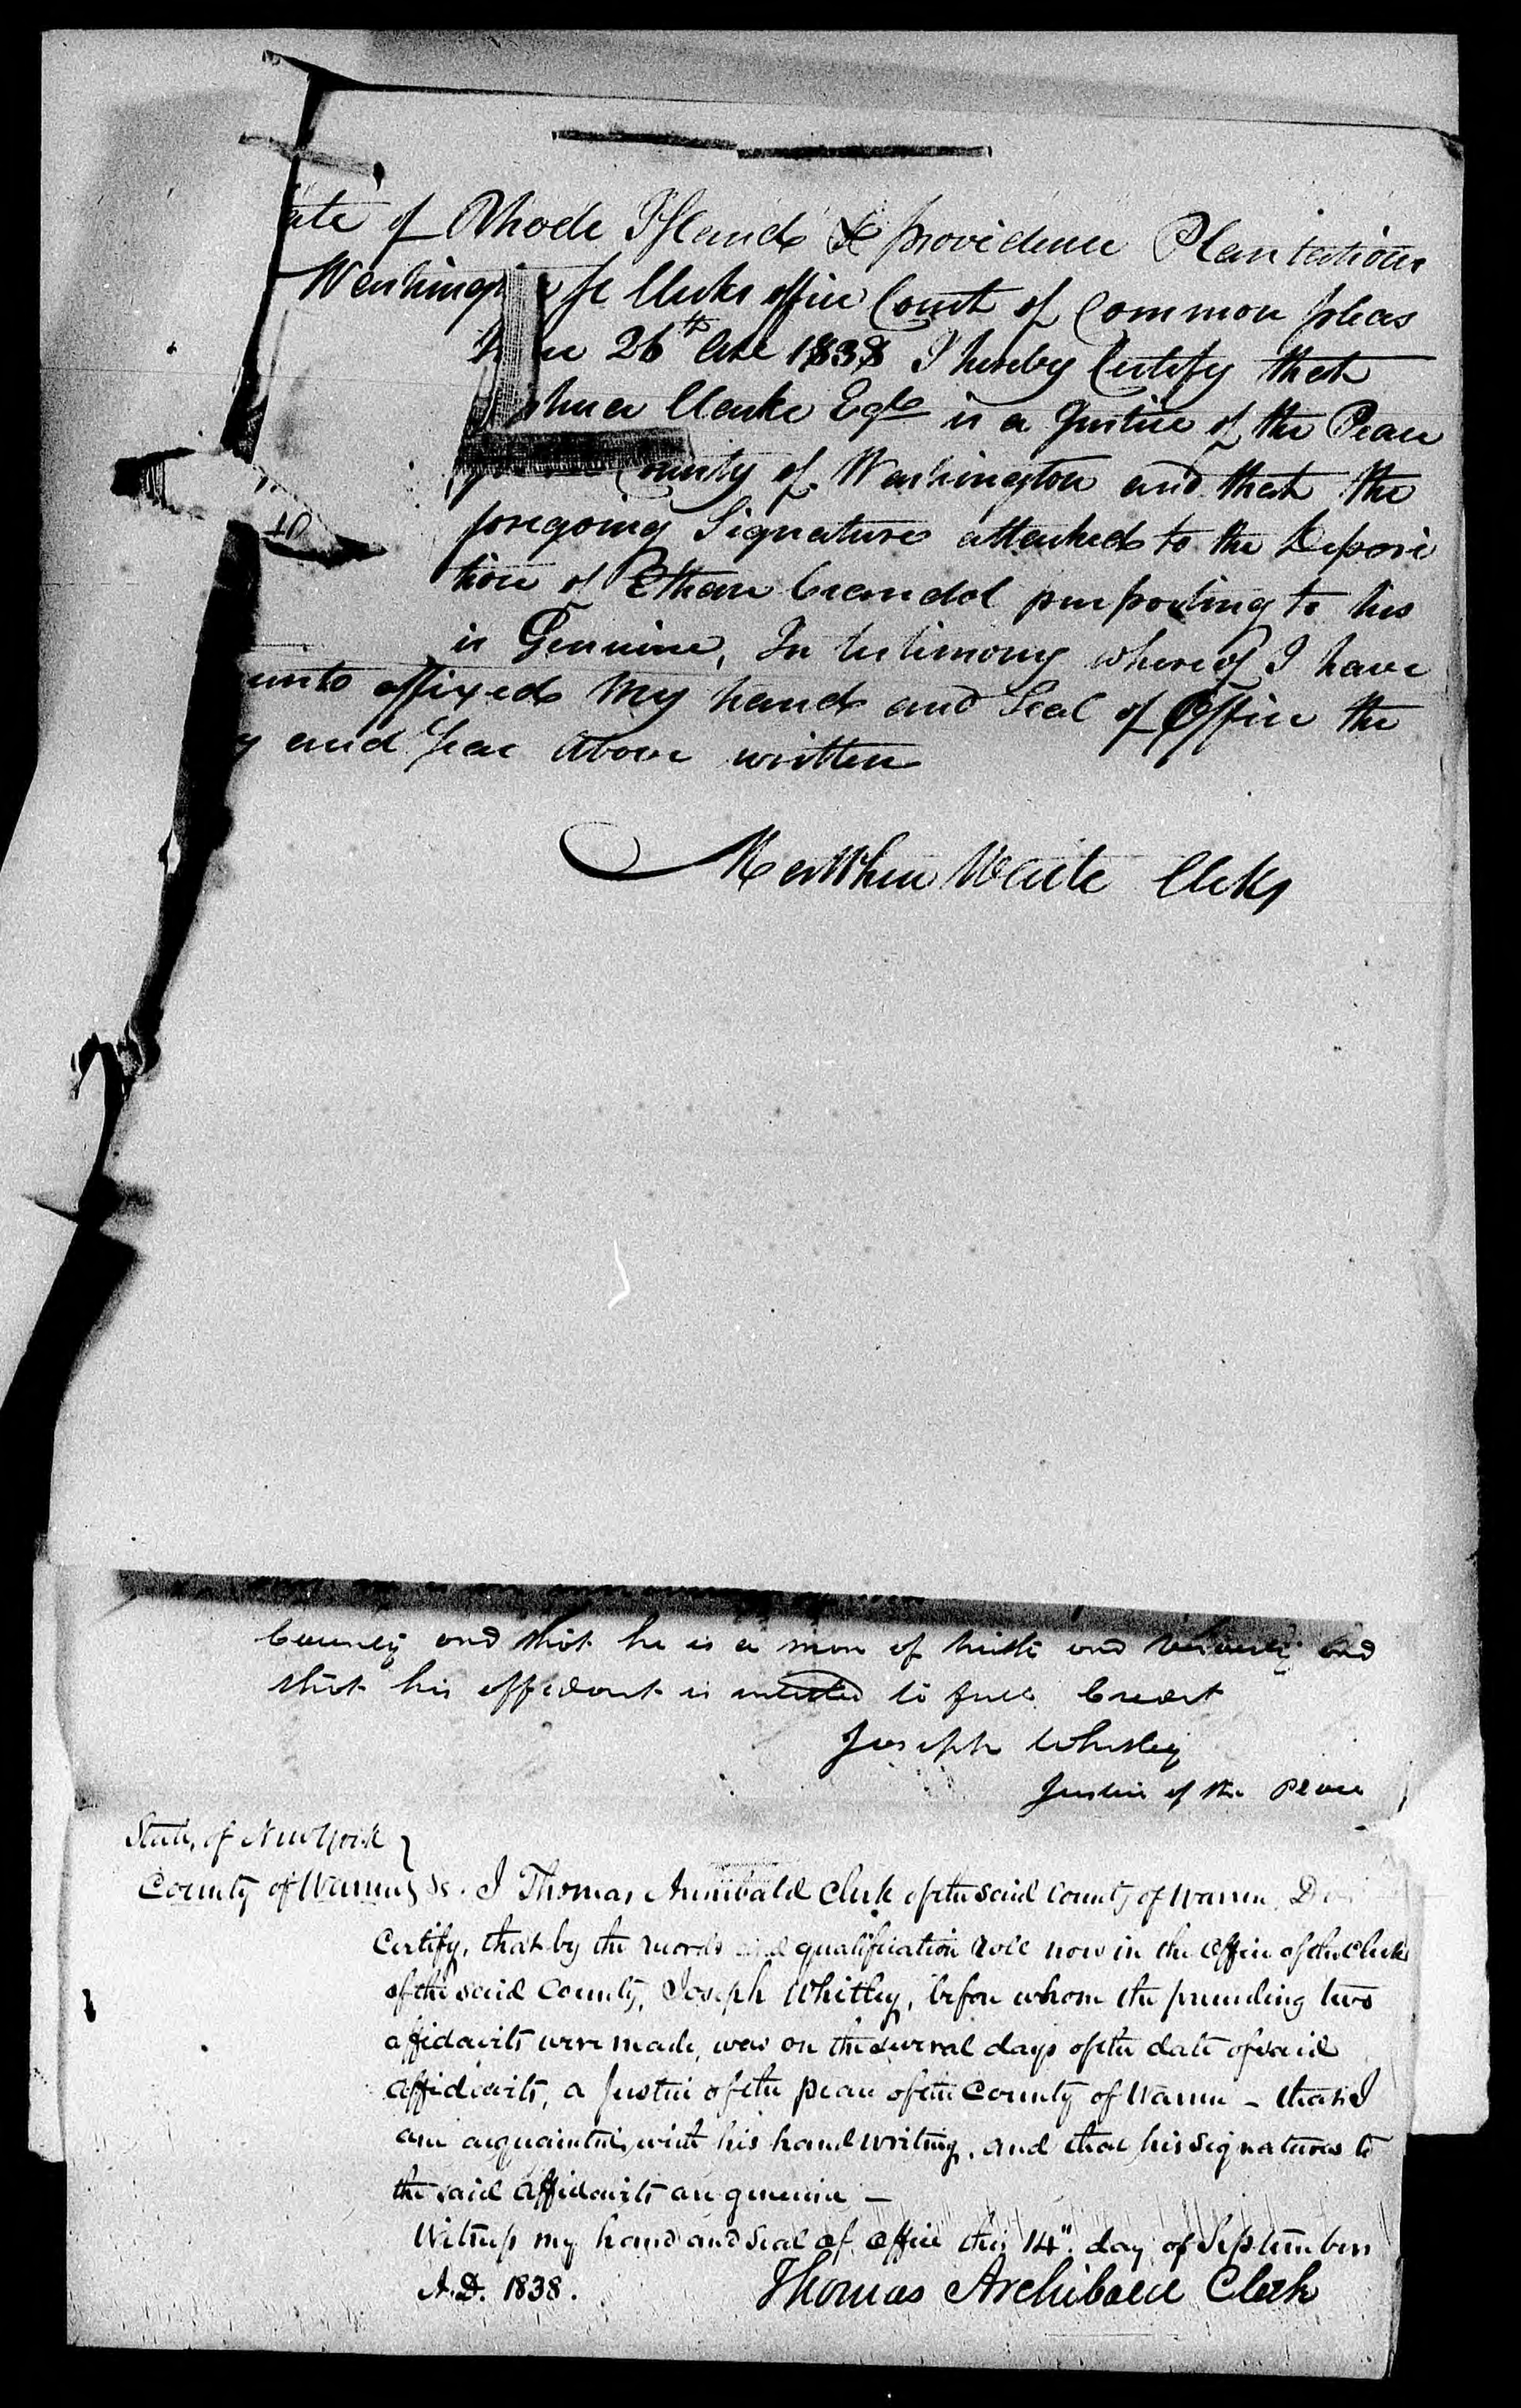State of Rhode Island & Providence Plantations 
Washington sc

[faded County Seal & ribbon attached here]

Clerks Office Court of Common pleas [obscured by Seal’s ribbon] 26th AD 1838 I hereby certify that [obscured by Seal’s ribbon] Clarke Esq is a Justice of the Peace for the County of Washington and that the foregoing Signature attached to the Deposition of Ethan Crandal purporting to his is Genuine.  In testimony whereof I have [cut off]unto affixed my hand and seal of office the [cut off]y and year above written 

Matthew Waite Clerk

[the transcription that follows is the bottom half of a page that was covered by the above document]

County and that e is a man of truth and veracity that his affidavit is entitled to full credit
Joseph Whitley
Justice of the Peace
[end partial page transcription]

State of New York
County of Warren ss.
I Thomas Archibald Clerk of the said County of Warren Do certify, that by the records and qualification roll now in the Office of the Clerk of the said County, Joseph Whitley, before whom the preceding two affidavits were made was on the several days of the date of said affidavits, a Justice of the peace of the County of Warren.  that I am acquainted with his handwriting, and that his signatures to the said affidavits are genuine- 
Witness my hand and seal of office this 14" day of September A.D. 1838. 
Thomas Archibald Clerk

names: Thomas Archibald, Joshua Clark, Joseph Whitley, Thomas Archibald, Matthew Waite, Ethan Crandal, Joseph Whitley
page: 54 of 60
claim: widow's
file: W 16,955, Samuel Dickinson, Conn.